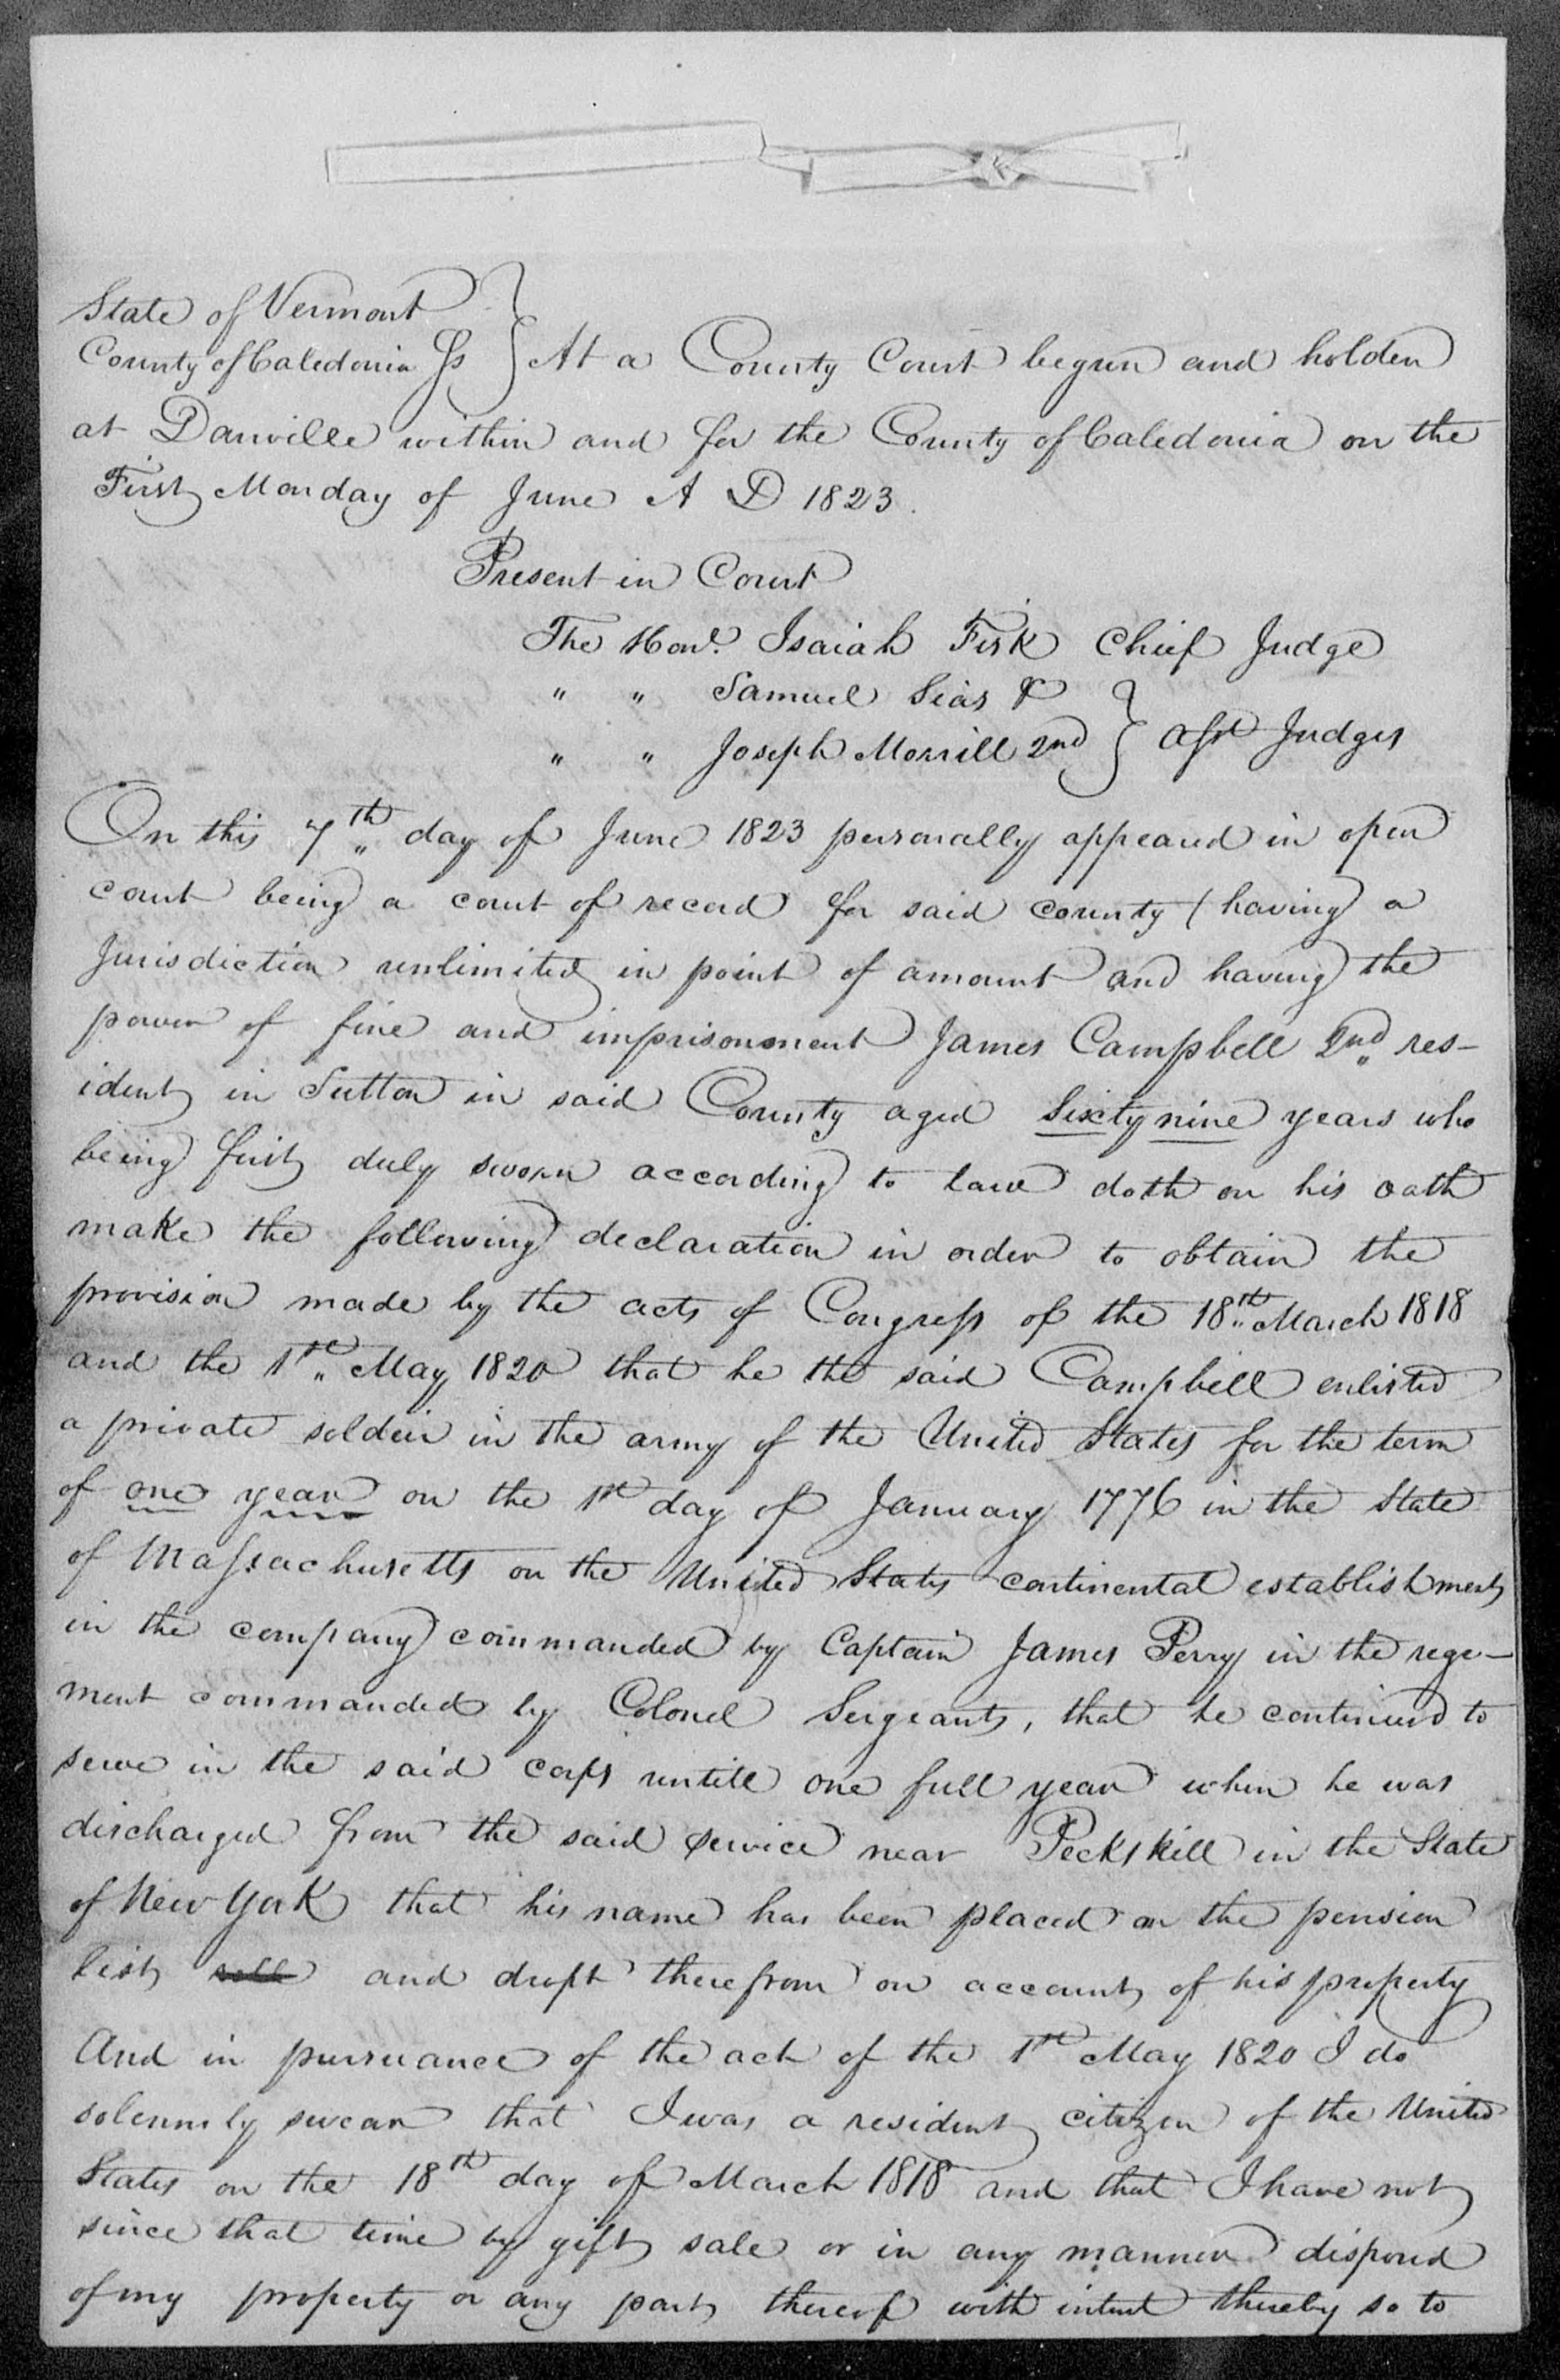State of Vermont}
County of Caledonia ss}
At a County Court begun and holden at Danville within and for the County of Caledonia on the First Monday of June AD 1823.

Present in Court
The Honl. Isaiah Fisk Chief Judge
  "      "      Samuel Sias &
  "      "      Joseph Morrill 2nd⎬ Asst Judges

On this 7th day of June 1823 personally appeared in open court being a court of record for said county (having a Jurisdiction unlimited in point of amount and having the power of fine and imprisonment James Campbell 2nd residing in Sutton in said County aged Sixty nine years who being first duly sworn according to law doth on his oath make the following declaration in order to obtain the
provision made by the acts of Congress of the 18th March 1818 and the 1st May 1820 that he the said Campbell enlisted a private soldier in the army of the United States for the term of one year on the 1st day of January 1776 in the State of Massachusetts on the United States continental establishment in the company commanded by Captain James Perry in the regiment commanded by Colonel Sargent, that he continued to serve in the said corps untill (until?) one full year when he was discharged from the said service near Peekskill in the State of New York that his name has been placed on the pension list and draft therefrom on account of his property And in pursuance of the act of the 1st May 1820 I do solemnly swear that I was a resident citizen of the United States on the 18th day of March 1818 and that I have not since that time by gift sale or in any manner disposed of my property or any part thereof with intent thereby so to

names: Joseph Morrill, James Perry, Samuel Sias, Campbell, James Campbell, Isaiah Fisk, Sergeants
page: 8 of 67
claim: widow's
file: W. 23772, James Campbell, Continental Mass.